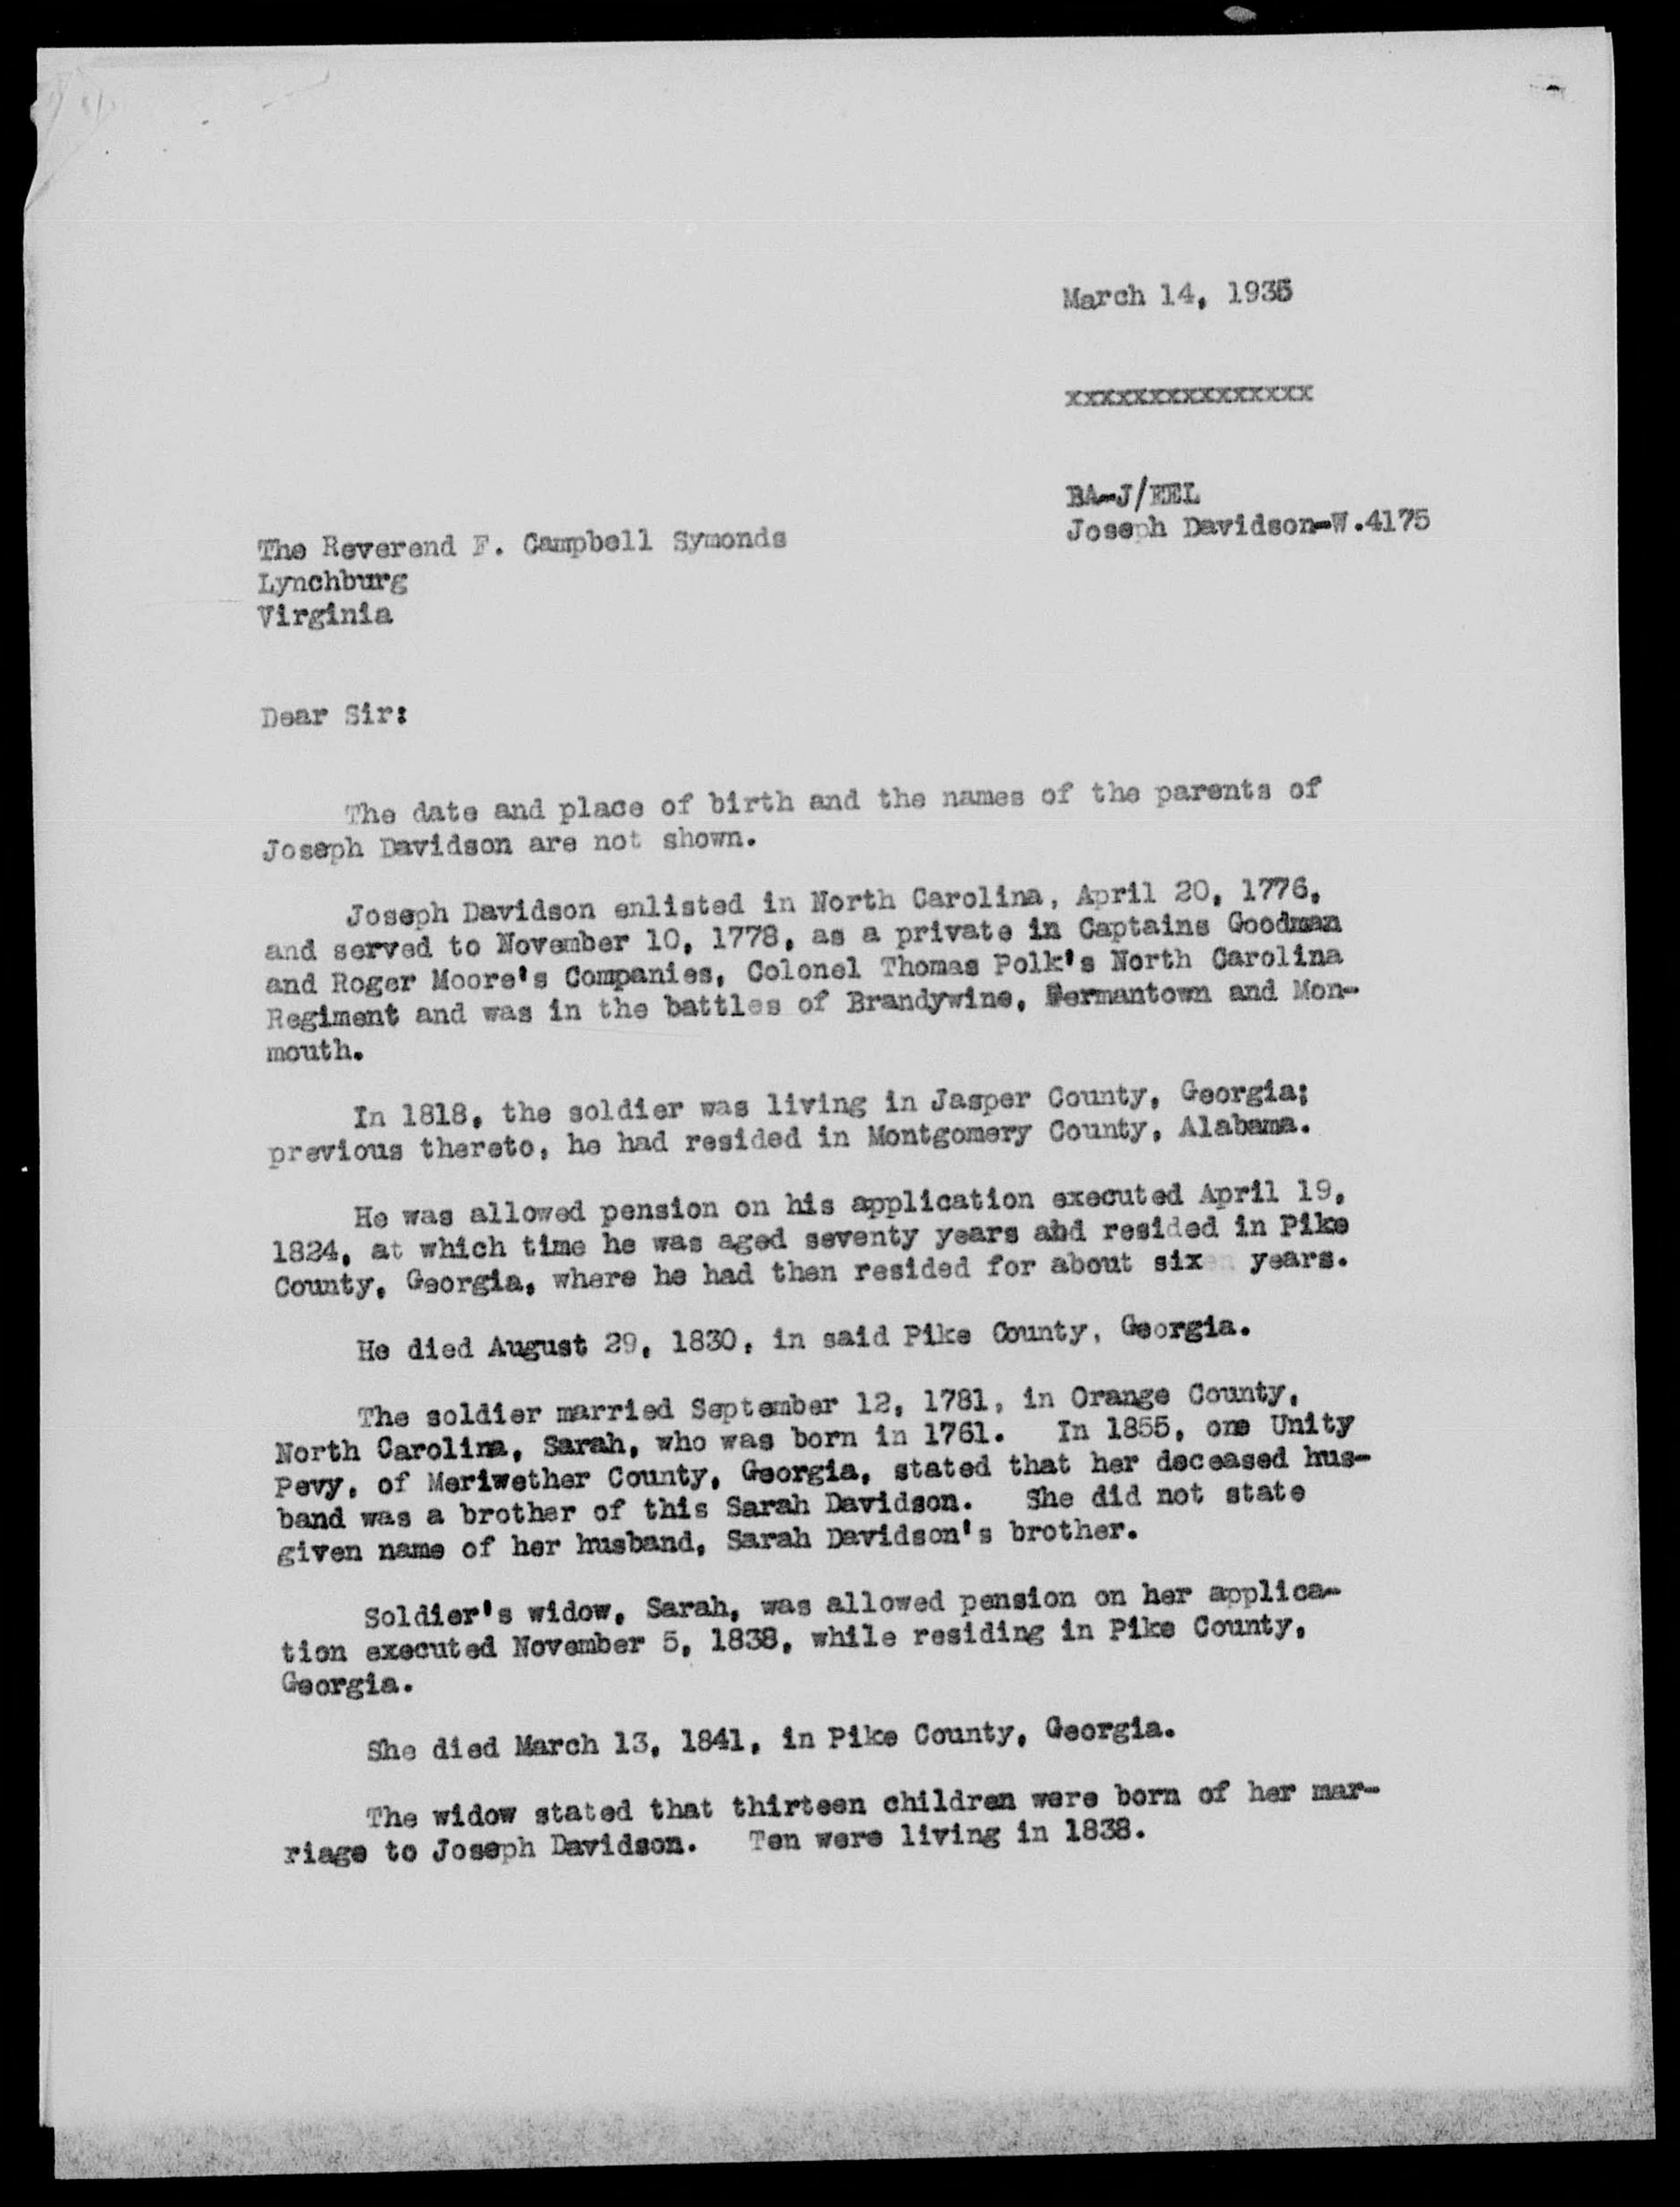March 14, 1935
XXXXXXXXXXXXXXX
BA-J/EEL
Joseph Davidson-W.4175
The Reverend F. Campbell Symonds
Lynchburg
Virginia
Dear Sir:
The date and place of birth and the names of the parents of Joseph Davidson are not shown.
Joseph Davidson enlisted in North Carolina, April 20, 1776, and served to November 10, 1778, as a private in Captains Goodman and Roger Moore's Companies, Colonel Thomas Polk's North Carolina Regiment and was in the battles of Brandywine, Germantown and Monmouth.
In 1818, the soldier was living in Jasper County, Georgia; previous thereto, he had resided in Montgomery County, Alabama.
He was allowed pension on his application executed April 19, 1824, at which time he was aged seventy years and resided in Pike
County, Georgia, where he had then resided for about six years.
He died August 29, 1830, in said Pike County, Georgia.
The soldier married September 12, 1781, in Orange County, North Carolina, Sarah, who was born in 1761. In 1855, one Unity Pevy, of Meriwether County, Georgia, stated that her deceased husband was a brother of this Sarah Davidson. She did not state given name of her husband, Sarah Davidson's brother.
Soldier's widow, Sarah, was allowed pension on her application executed November 5, 1838, while residing in Pike County,
Georgia.
She died March 13, 1841, in Pike County, Georgia.
The widow stated that thirteen children were born of her marriage to Joseph Davidson. Ten were living in 1838.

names: Joseph Davidson, F Campbell Symonds, Sarah, Sarah Davidson, Sarah, Joseph Davidson, Sarah Davidson, Joseph Davidson, Joseph Davidson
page: 16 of 63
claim: widow's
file: W. 4175, Joseph Davidson, N.C.